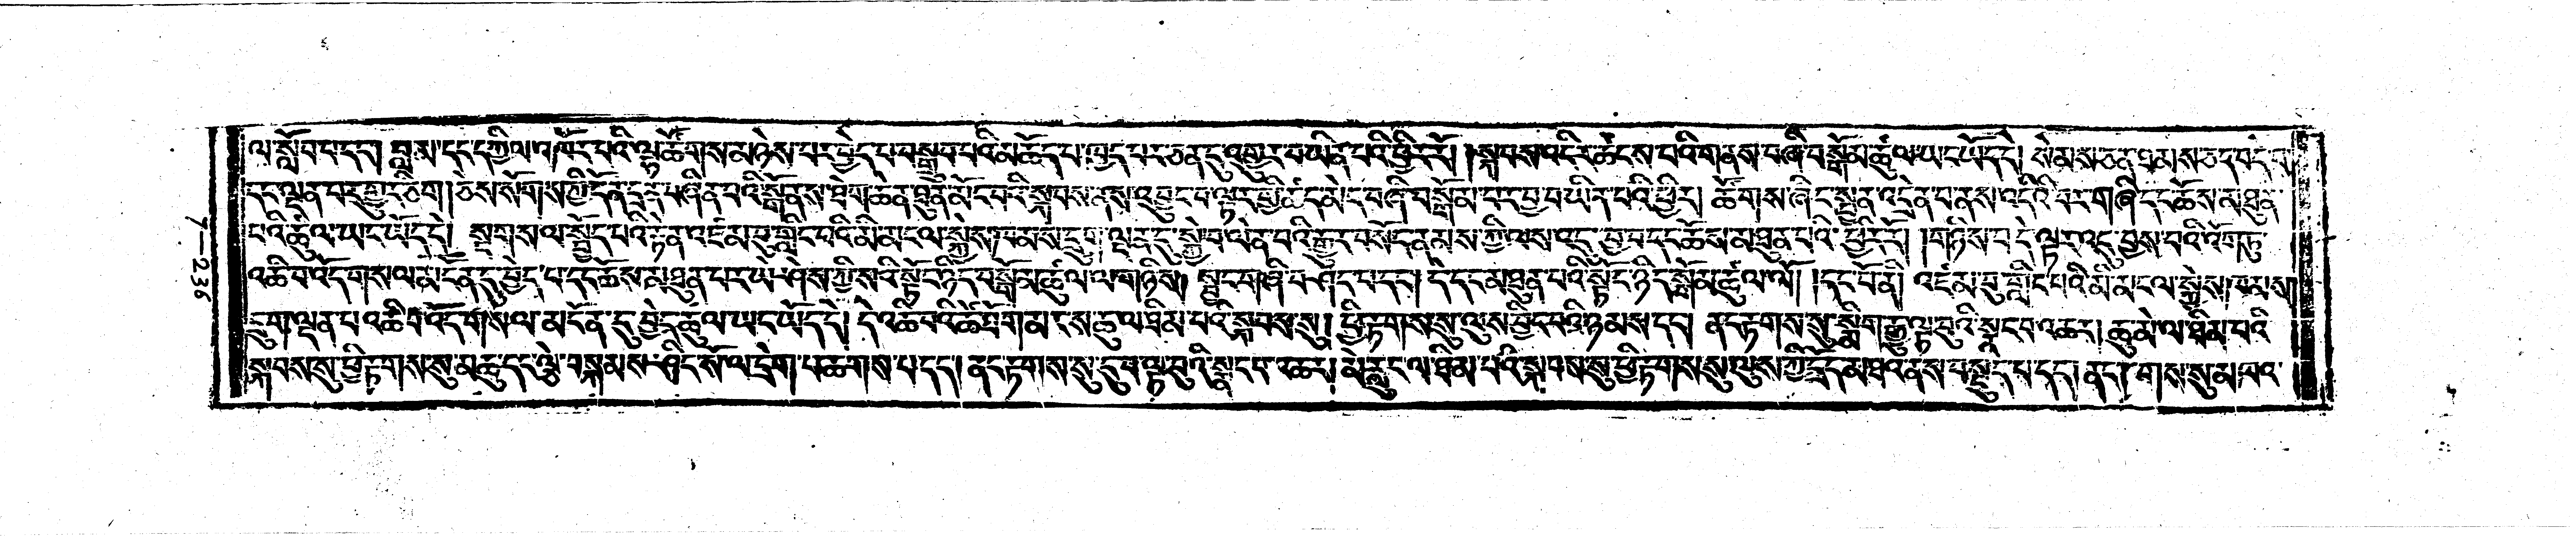ལ་སློབ་པ་དང་། བླ་མ་དང་དཀྱིལ་འཁོར་པའི་ལྷ་ཚོགས་མཉེས་པར་བྱེད་པ་བསྒྲུབ་པའི་མཆོད་པ་ཁྱད་པར་ཅན་དུ་འགྱུར་བ་ཡིན་པའི་ཕྱིར་རོ། །སྐབས་འདིར་ཚངས་པའི་གནས་བཞི་བསྒོམ་ཚུལ་ཡང་ཡོད་དེ། སེམས་ཅན་ཐམས་ཅད་བདེ་བ་
དང་ལྡན་པར་གྱུར་ཅིག །ཅེས་སོགས་ཀྱི་དོན་དྲན་བཞིན་པའི་སྒོ་ནས་ཐེག་ཆེན་ཐུན་མོང་བའི་སྐབས་ནས་འབྱུང་བ་ལྟར་གྱི་ཚད་མེད་བཞི་བསྒོམ་པར་བྱ་བ་ཡིན་པའི་ཕྱིར། ཚོགས་ཞིང་སྤྱན་འདྲེན་པ་ནས་འདིའི་བར་གཞི་དང་ཆོས་མཐུན་
པའི་ཚུལ་ཡང་ཡོད་དེ། སྔགས་ལ་སྤྱོད་པའི་རྟེན་འཛམ་བུ་གླིང་བའི་མི་མངལ་སྐྱེས་ཁམས་དྲུག་ལྷན་དུ་སྐྱེ་བ་ལེན་པའི་རྒྱུར་བསོད་ནམས་ཀྱི་ལས་འདུ་བྱ་བ་དང་ཆོས་མཐུན་པའི་ཕྱིར་རོ། །གཉིས་པ་དེ་ལྟར་འདུ་བྱས་པའི་འོག་ཏུ་
འཆི་བ་འོད་གསལ་མངོན་དུ་བྱེད་པ་དང་ཆོས་མཐུན་པར་ཡེ་ཤེས་ཀྱི་སའི་སྟོང་ཉིད་བསྒོམ་ཚུལ་ལ་གཉིས། སྦྱང་གཞི་བཤད་པ་དང་། དེ་དང་མཐུན་པའི་སྟོང་ཉིད་སྒོམ་ཚུལ་ལོ། །དང་པོ་ནི། འཛམ་བུ་གླིང་པའི་མི་མངལ་སྐྱེས་ཁམས་
དྲུག་ལྡན་པ་འཆི་བ་འོད་གསལ་མངོན་དུ་བྱེད་ཚུལ་ཡང་ཡོད་དེ། དེ་འཆི་བའི་ཚེ་ཐོག་མར་ས་ཆུ་ལ་ཐིམ་པའི་སྐབས་སུ། ཕྱི་རྟགས་སུ་ལུས་བྱང་བའི་ཉམས་དང་། ནང་རྟགས་སུ་སྨིག་རྒྱུ་ལྟ་བུའི་སྣང་བ་འཆར། ཆུ་མེ་ལ་ཐིམ་པའི་
སྐབས་སུ་ཕྱི་རྟགས་སུ་མཆུ་དང་ལྕེ་བསྐམས་ཤིང་སོ་ལ་དྲེག་པ་ཆགས་པ་དང་། ནང་རྟགས་སུ་དུ་བ་ལྟ་བུའི་སྣང་བ་འཆར། མེ་རླུང་ལ་ཐིམ་པའི་སྐབས་སུ་ཕྱི་རྟགས་སུ་ལུས་ཀྱི་དྲོད་མཐའ་ནས་བསྡུད་པ་དང་། ནང་རྟགས་སུ་མཁའ་